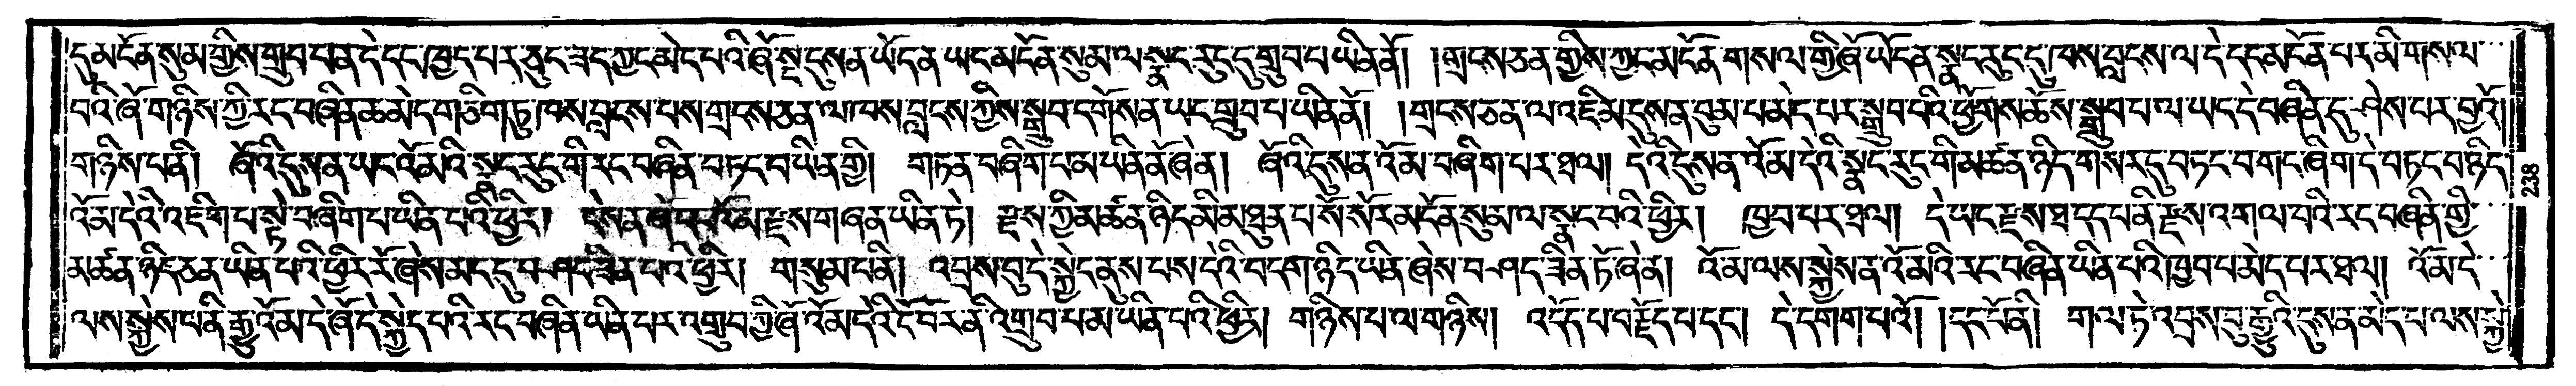དུ་མངོན་སུམ་གྱིས་གྲུབ་པ་ན་དེ་དང་ཁྱད་པར་ཅུང་ཟད་ཀྱང་མེད་པའི་ཞོ་སྔ་དུས་ན་ཡོད་ན་ཡང་མངོན་སུམ་ལ་སྣང་རུང་དུ་གྲུབ་པ་ཡིན་ནོ། །གྲངས་ཅན་གྱིས་ཀྱང་མངོན་གསལ་གྱི་ཞོ་ཡོད་ན་སྣང་རུང་དུ་ཁས་བླངས་ལ་དེ་དང་མངོན་པར་མི་གསལ་
བའི་ཞོ་གཉིས་ཀྱི་རང་བཞིན་ཆ་མེད་གཅིག་ཏུ་ཁས་བླངས་པས་གྲངས་ཅན་ལ་ཁས་བླངས་ཀྱིས་སྒྲུབ་དགོས་ན་ཡང་གྲུབ་པ་ཡིན་ནོ། །གྲངས་ཅན་ལ་འཇིམ་དུས་ན་བུམ་པ་མེད་པར་སྒྲུབ་པའི་ཕྱོགས་ཆོས་སྒྲུབ་པ་ལ་ཡང་དེ་བཞིན་དུ་ཤེས་པར་བྱའོ།།
གཉིས་པ་ནི། ཞོའི་དུས་ན་ཡང་འོ་མའི་སྣང་རུང་གི་རང་བཞིན་བཏང་བ་ཡིན་གྱི། གཏན་བཞིག་པ་མ་ཡིན་ནོ་ཞེ་ན། ཞོའི་དུས་ནའོ་མ་བཞིག་པར་ཐལ། དེའི་དུས་ན་འོ་མ་དེའི་སྣང་རུང་གི་མཚན་ཉིད་གསར་དུ་བཏང་བ་གང་ཞིག་དེ་བཏང་བ་ཉིད་
འོ་མ་དེའི་འཇིག་པ་སྟེ་བཞིག་པ་ཡིན་པའི་ཕྱིར། དེས་ན་ཞོ་དང་འོ་མ་རྫས་གཞན་ཡིན་ཏེ། རྫས་ཀྱི་མཚན་ཉིད་མི་མཐུན་པ་སོ་སོར་མངོན་སུམ་ལ་སྣང་བའི་ཕྱིར། ཁྱབ་པར་ཐལ། དེ་ཡང་རྫས་ཐ་དད་པ་ནི་རྫས་འགལ་བའི་རང་བཞིན་གྱི་
མཚན་ཉིད་ཅན་ཡིན་པའི་ཕྱིར་རོ་ཞེས་མང་དུ་བཤད་ཟིན་པའི་ཕྱིར། གསུམ་པ་ནི། འབྲས་བུ་དེ་སྐྱེད་ནུས་པས་དེའི་བདག་ཉིད་ཡིན་ཞེས་བཤད་ཟིན་ཏོ་ཞེ་ན། འོ་མ་ལས་སྐྱེས་ནའོ་མའི་རང་བཞིན་ཡིན་པའི་ཁྱབ་པ་མེད་པར་ཐལ། འོ་མ་དེ་
ལས་སྐྱེས་པ་ནི་རྒྱུ་འོ་མ་དེ་ཞོ་དེ་སྐྱེད་པའི་རང་བཞིན་ཡིན་པར་འགྲུབ་ཀྱི་ཞོ་འོ་མ་དེའི་ངོ་བོར་ནི་འགྲུབ་པ་མ་ཡིན་པའི་ཕྱིར། གཉིས་པ་ལ་གཉིས། འདོད་པ་བརྗོད་པ་དང་། དེ་དགག་པའོ། །དང་པོ་ནི། གལ་ཏེ་འབྲས་བུ་རྒྱུའི་དུས་ན་མེད་པ་ལས་སྐྱེ་